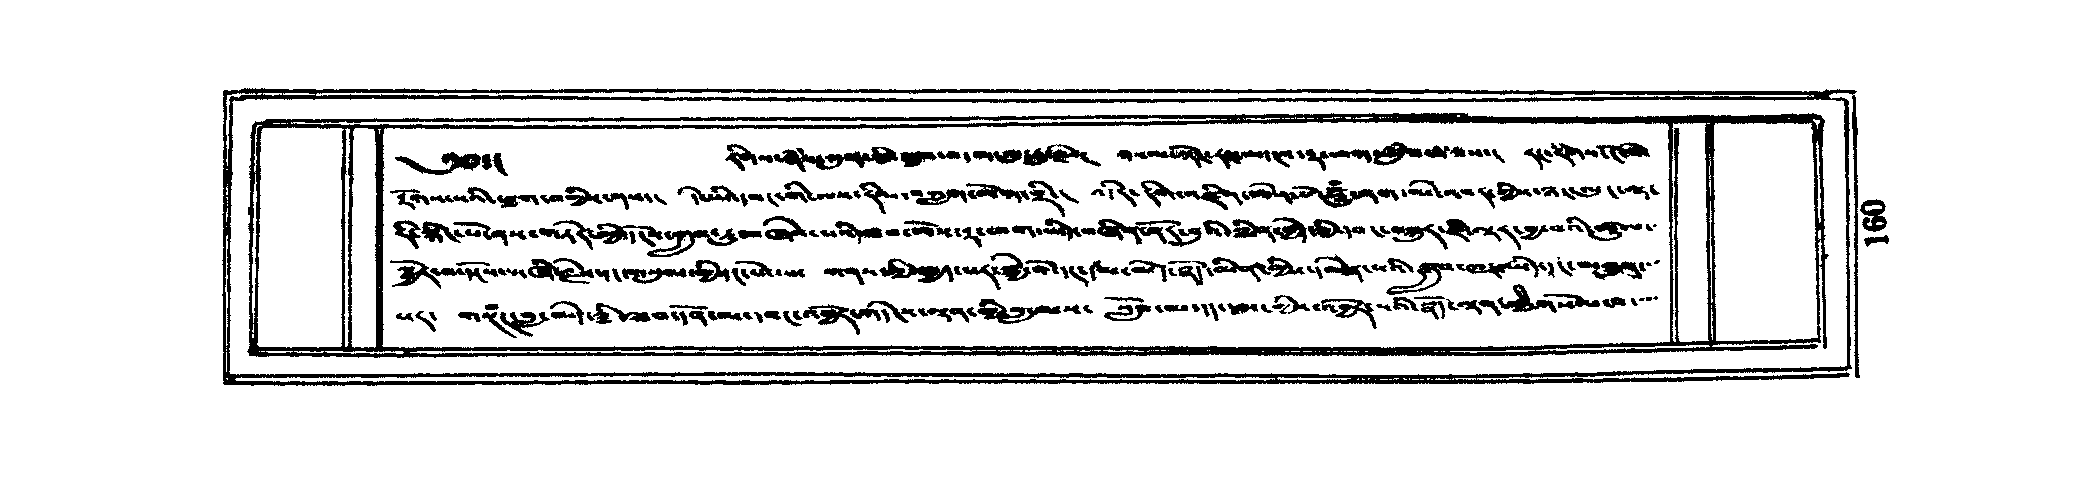༄༅། རིགས་རྣམས་ཀུན་ཅི་སྐྱབས་བདག་གུ་རུ་རྗེ། གསལ་སྟོང་རང་མདངས་རྟ་ཕག་་་་་། རང་རིག་ངོ་བོ་
རྟོགས་པའི་ཕྱག་བགྱིས་ནས། དེ་ཡི་དབང་གི་ལས་རིམ་བཀླག་ཆོག་བྲི། འདིར་རིག་འཛིན་ཆེན་པོ་ཧཱུྃ་ནག་མེ་འབར་གྱིས་ཉང་ལུང་ལྷ་
རི་སྙིང་པོ་ནས་གཏེར་གྱི་དངོས་གྲུབ་ཏུ་བཞེས་པའི་ཟབ་ཆོས་རྟ་ཕག་ཡིད་བཞིན་ནོར་བུའི་སྨིན་བྱེད་ཀྱི་དབང་བསྐུར་ཇི་ལྟར་བྱ་བའི་ཚུལ་
སྦྱོར་བ་དངོས་གཞི་རྗེས་དང་གསུམ་གྱི་དང་པོ་ལ། གནས་ཀྱི་ཁྱད་པར་སྐྱེ་བོ་དང་དམ་མེད་སྣོད་མིན་གྱིས་དབེན་པའི་སྒྲུབ་ཁར་ཡིད་དང་མཐུན་
པར། གསང་སྔགས་བླ་མེད་ཀྱི་ཟབ་དོན་མ་དབང་འབྱོར་གདེངས་ལྡན་གྱི་བླ་མས། སློབ་མ་དད་དམ་གྱིས་འབྱོར་པའི་སྣོད་ལྡན་གྱི་གསོལ་བ་